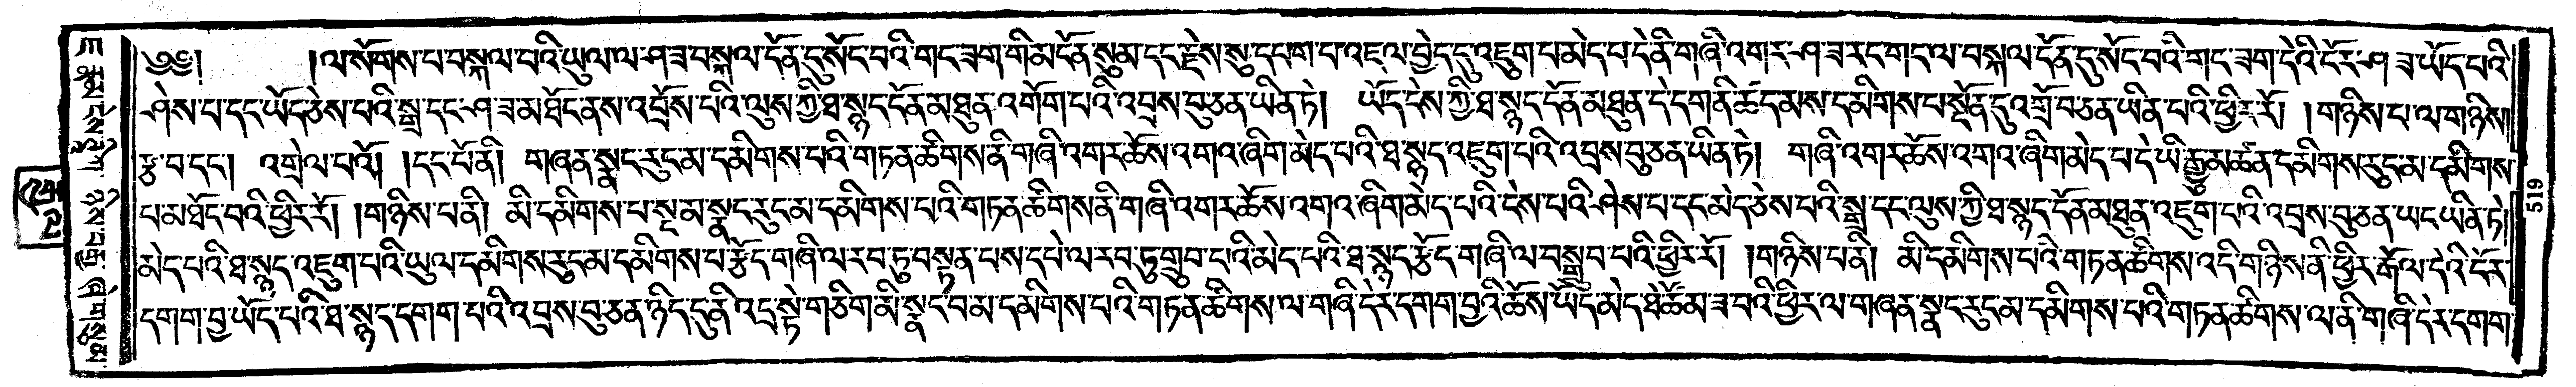༄༅། །ལ་སོགས་པ་བསྐལ་པའི་ཡུལ་ལ་ཤ་ཟ་བསྐལ་དོན་དུ་སོང་བའི་གང་ཟག་གི་མངོན་སུམ་དང་རྗེས་སུ་དཔག་པ་འཇལ་བྱེད་དུ་འཇུག་པ་མེད་པ་དེ་ནི་གཞི་འགར་ཤ་ཟ་རང་གང་ལ་བསྐལ་དོན་དུ་སོང་བའི་གང་ཟག་དེའི་ངོར་ཤ་ཟ་ཡོད་པའི་
ཤེས་པ་དང་ཡོད་ཅེས་པའི་སྒྲ་དང་ཤ་ཟ་མཐོང་ནས་འབྲོས་པའི་ལུས་ཀྱི་ཐ་སྙད་དོན་མཐུན་འགོག་པའི་འབྲས་བུ་ཅན་ཡིན་ཏེ། ཡོད་ངེས་ཀྱི་ཐ་སྙད་དོན་མཐུན་དེ་དག་ནི་ཚད་མས་དམིགས་པ་སྔོན་དུ་འགྲོ་བ་ཅན་ཡིན་པའི་ཕྱིར་རོ། །གཉིས་པ་ལ་གཉིས།
རྩ་བ་དང་། འགྲེལ་པའོ། །དང་པོ་ནི། གཞན་སྣང་རུང་མ་དམིགས་པའི་གཏན་ཚིགས་ནི་གཞི་འགར་ཆོས་འགའ་ཞིག་མེད་པའི་ཐ་སྙད་འཇུག་པའི་འབྲས་བུ་ཅན་ཡིན་ཏེ། གཞི་འགར་ཆོས་འགའ་ཞིག་མེད་པ་དེ་ཡི་རྒྱུ་མཚན་དམིགས་རུང་མ་དམིགས་
པ་མཐོང་བའི་ཕྱིར་རོ། །གཉིས་པ་ནི། མི་དམིགས་པ་སྔ་མ་སྣང་རུང་མ་དམིགས་པའི་གཏན་ཚིགས་ནི་གཞི་འགར་ཆོས་འགའ་ཞིག་མེད་པའི་ངེས་པའི་ཤེས་པ་དང་མེད་ཅེས་པའི་སྒྲ་དང་ལུས་ཀྱི་ཐ་སྙད་དོན་མཐུན་འཇུག་པའི་འབྲས་བུ་ཅན་ཡང་ཡིན་ཏེ།
མེད་པའི་ཐ་སྙད་འཇུག་པའི་ཡུལ་དམིགས་རུང་མ་དམིགས་པ་རྩོད་གཞི་ལ་རབ་ཏུ་བསྟན་པས་དཔེ་ལ་རབ་ཏུ་གྲུབ་པའི་མེད་པའི་ཐ་སྙད་རྩོད་གཞི་ལ་བསྒྲུབ་པའི་ཕྱིར་རོ། །གཉིས་པ་ནི། མི་དམིགས་པའི་གཏན་ཚིགས་འདི་གཉིས་ནི་ཕྱིར་རྒོལ་དེའི་ངོར་
དགག་བྱ་ཡོད་པའི་ཐ་སྙད་དགག་པའི་འབྲས་བུ་ཅན་ཉིད་དུ་ནི་འདྲ་སྟེ་གཅིག་མི་སྣང་བ་མ་དམིགས་པའི་གཏན་ཚིགས་ལ་གཞི་དེར་དགག་བྱའི་ཆོས་ཡོད་མེད་ཐེ་ཚོམ་ཟ་བའི་ཕྱིར་ལ་གཞན་སྣང་རུང་མ་དམིགས་པའི་གཏན་ཚིགས་ལ་ནི་གཞི་དེར་དགག་